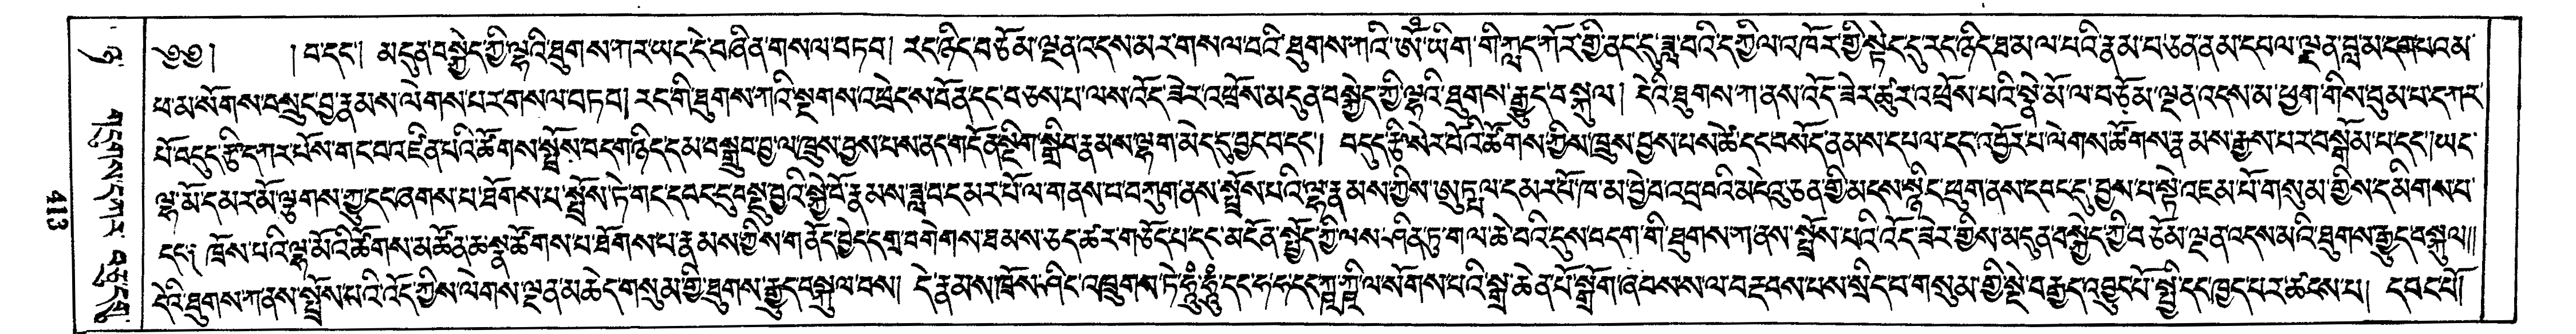༄༅། །བ་དང་། མདུན་བསྐྱེད་ཀྱི་ལྷའི་ཐུགས་ཀར་ཡང་དེ་བཞིན་བསལ་བཏབ། རང་ཉིད་བཅོམ་ལྡན་འདས་མར་གསལ་བའི་ཐུགས་ཀའི་ཨོཾ་ཡིག་གི་ཀླད་ཀོར་གྱི་ནང་དུ་ཟླ་བའི་དཀྱིལ་འཁོར་གྱི་སྟེང་དུ་རང་ཉིད་ཐ་མལ་པའི་རྣམ་པ་ཅན་ནམ་དཔལ་ལྡན་བླ་མ་དམ་པའམ་
ཕ་མ་སོགས་བསྲུང་བྱ་རྣམས་ལེགས་པར་གསལ་བཏབ། རང་གི་ཐུགས་ཀའི་སྔགས་འཕྲེང་ས་བོན་དང་བཅས་པ་ལས་འོད་ཟེར་འཕྲོས་མདུན་བསྐྱེད་ཀྱི་ལྷའི་ཐུགས་རྒྱུང་བསྐུལ། དེའི་ཐུགས་ཀ་ནས་འོད་ཟེར་ཚུར་འཕྲོས་པའི་སྣེ་མོ་ལ་བཅོམ་ལྡན་འདས་མ་ཕྱག་གིས་བུམ་པ་དཀར་
པོ་བདུང་རྩི་དཀར་པོས་གང་འཛིན་བའི་ཚོགས་སྤྲོས་བདག་ཉིད་དམ་བསྒྲུབ་བྱ་ལ་ཁྲུས་བྱས་པས་ནད་གདོན་སྡིག་སྒྲིབ་རྣམས་ལྷག་མེད་དུ་བྱང་བ་དང་། བདུད་རྩི་སེར་པོའི་ཚོགས་ཀྱིས་ཁྲུས་བྱས་པས་ཚེ་དང་བསོད་ནམས་དཔལ་དང་འབྱོར་བ་ལེགས་ཚོགས་རྣམས་རྒྱས་པར་བསྒོམ་པ་དང་། ཡང་
ལྷ་མོ་དམར་མོ་ལྕགས་ཀྱུ་དང་ཞགས་པ་ཐོགས་པ་སྦྲོས་ཏེ་གང་དབང་དུ་བསྡུ་བྱའི་སྐྱེ་བོ་རྣམས་ཟླ་བ་དམར་པོ་ལ་གནས་པ་བཀུག་ནས་སྤྲོས་པའི་ལྷ་རྣམས་ཀྱིས་ཨུཏྤ་ལ་དམར་པོ་ཁ་མ་བྱེ་བ་འདྲ་བའི་མདེའུ་ཅན་གྱི་མངས་སྙིང་ཕུག་ནས་དབང་དུ་བྱས་བསྟེ་འཇམ་པོ་གསུམ་གྱིས་དམིགས་པ་
དང་། ཁྲོས་པའི་ལྷ་མོའི་ཚོགས་མཚོན་ཆ་སྣ་ཚོགས་པ་ཐོགས་པ་རྣམས་ཀྱིས་གནོད་བྱེད་དགྲ་བགེགས་ཐམས་ཅད་ཚར་གཅོད་པ་དང་མངོན་སྤྱོད་ཀྱི་ལས་ཤིན་ཏུ་གལ་ཆེ་བའི་དུས་བདག་གི་ཐུགས་ཀ་ནས་སྤྲོས་པའི་འོད་ཟེར་གྱིས་མདུན་བསྐྱེད་ཀྱི་བཅོམ་ལྡན་འདས་མའི་ཐུགས་རྒྱུད་བསྐུལ།
དེའི་ཐུགས་ཀ་ནས་སྤྲོས་པའི་འོད་ཀྱིས་ལེགས་ལྡན་མཆེད་གསུམ་གྱི་ཐུགས་རྒྱུད་བསྐུལ་བས། དེ་རྣམས་ཁྲོས་ཤིང་འཁྲུགས་ཏེ་ཧཱུཾ་ཧཱུཾ་དང་ཧ་ཧ་དང་ཀྵཾ?་ཀྵི?་ལི?་སོགས་པའི་སྒྲ་ཆེན་པོ་སྒྲོག་ཞབས་ས་ལ་བརྡབས་པས་སྲིད་པ་གསུམ་གྱི་སྡེ་བརྒྱད་འབྱུང་པོ་སྤྱི་དང་ཁྱད་པར་ཚངས་པ། དབང་པོ།